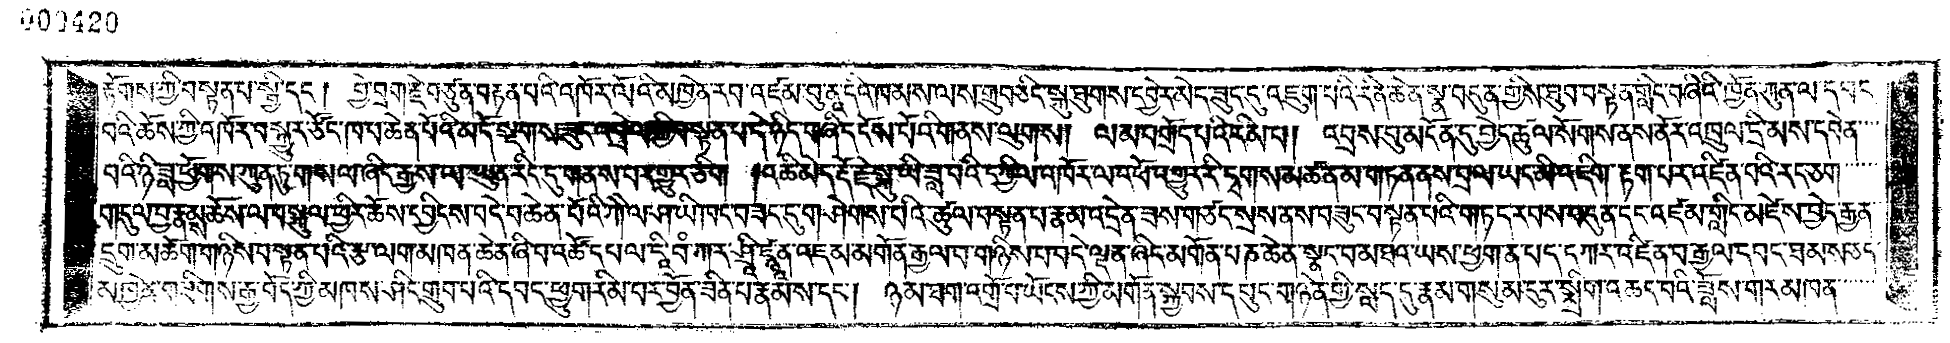རྟོགས་ཀྱི་བསྟན་པ་སྤྱི་དང་། བྱེ་བྲག་རྗེ་བཙུན་བརྟན་པའི་འཁོར་ལོའི་མཁྱེན་རབ་འཛམ་བུ་ནཱ་དའི་ཁམས་ལས་གྲུབ་ཅིང་སྐུ་ཐུགས་དབྱེར་མེད་ཟུང་དུ་འཇུག་པའི་རིན་ཆེན་སྣ་བདུན་གྱིས་ཐུབ་བསྟན་གླིང་བཞིའི་ཁྱོན་ཀུན་ལ་དབང་
བའི་ཆོས་ཀྱི་འཁོར་བསྒྱུར་ཙོང་ཁ་པ་ཆེན་པོའི་མདོ་སྔགས་ཟུང་འབྲེལ་གྱི་བསྟན་པ་དེ་ཉིད་གཞི་དངོས་པོའི་གནས་ལུགས། ལམ་བགྲོད་པའི་རིམ་པ། འབྲས་བུ་མངོན་དུ་བྱེད་ཚུལ་སོགས་ནས་ནོར་འཁྲུལ་དྲི་མས་དབེན་
པའི་ཉི་ཟླ་ཕྱོགས་ཀུན་ཏུ་གསལ་ཞིང་རྒྱས་ལ་ཡུན་རིང་དུ་གནས་པར་གྱུར་ཅིག །འཆི་མེད་རྡོ་རྗེ་སྐུ་ཡི་ཟླ་བའི་དཀྱིལ་འཁོར་ལ་འཕོ་འགྱུར་རི་དྭགས་མཚན་མ་གཏན་ནས་བྲལ་ཡང་མི་འཇིག་རྟག་པར་འཛིན་པའི་རང་ཅག་
གདུལ་བྱ་རྣམས་ཆོས་ལ་བསྐུལ་ཕྱིར་ཆོས་དབྱིངས་བདེ་བ་ཆེན་པོའི་ཀཻ་ལ་ཤ་ཡི་ཁང་བཟང་དུ་གཤེགས་པའི་ཚུལ་བསྟན་པ་རྣམ་འདྲེན་ཟས་གཙང་སྲས་ནས་བཟུང་བསྟན་པའི་གཏད་རབས་བདུན་དང་འཛམ་གླིང་མཛེས་བྱེད་རྒྱན་
དྲུག་མཆོག་གཉིས་བསྟན་པའི་རྩ་ལག་མཁན་ཆེན་ཞི་བ་འཚོ་དཔལ་དཱི་བཾ་ཀར་ཤྲཱི་ཛྙཱ་ན་འཇམ་མགོན་རྒྱལ་བ་གཉིས་པ་བདེ་ལྡན་ཞིང་མགོན་པཎ་ཆེན་སྣང་བ་མཐའ་ཡས་ཕྱག་ན་པད་དཀར་འཛིན་པ་རྒྱལ་དབང་ཐམས་ཅད་
མཁྱེན་གཟིགས་རྒྱ་བོད་ཀྱི་མཁས་ཤིང་གྲུབ་པའི་དབང་ཕྱུག་རིམ་པར་བྱོན་ཟིན་པ་རྣམས་དང་། ཉམ་ཐག་འགྲོ་བ་ཡོངས་ཀྱི་མགོན་སྐྱབས་དཔུང་གཉེན་གྱི་སླད་དུ་རྣམ་གསུམ་ངུར་སྨྲིག་འཆང་པའི་ཟློས་གར་མཁན་